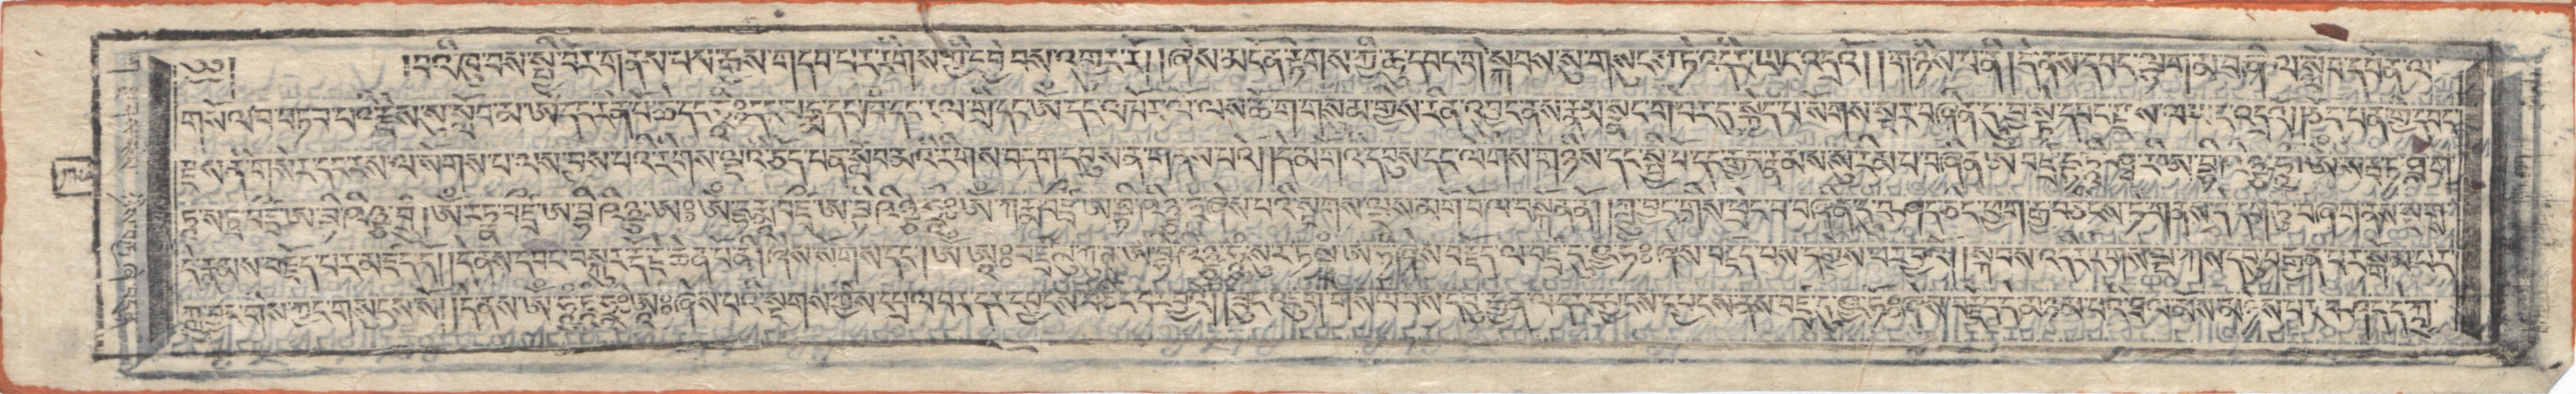༄༅། །བའི་ཁུ་བས་སྤྱི་བོར་གནས་པས་རྒྱས་གདབ་པར་རིགས་ཀྱི་དབྱེ་བས་འགྱུར་རོ། །ཞེས་མངོན་རྟོགས་ཀྱི་ཆུ་དབང་གི་སྐབས་སུ་གསུངས་ཏེ་འདིར་ཡང་འདྲའོ། །གཉིས་པ་ནི། དེ་ནས་དབང་ལྷག་མ་བཞི་ལ་སློབ་དཔོན་ལ་
གསོལ་བ་བཏབ་པའི་རྗེས་སུ་སློབ་མ་ཨ་དང་རིན་པོ་ཆེ་དང་ཧྲཱིཿ དང་པདམ་དང་ཁམ་དང་རལ་གྲི་དང་ཨོཾ་དང་འཁོར་ལོ་ལས་ཆོ་ག་གསུམ་གྱིས་རིན་འབྱུང་ནས་རྣམ་སྣང་གི་བར་དུ་སྐྱེད་པ་སོགས་སྔར་བཞིན་དུ་བྱ་སྟེ་དབང་རྫས་ལ་ཡང་འདྲའོ། །ཅོད་པན་གྱི་དབང་
རྫས་ནི་གསེར་དང་རས་ལ་སོགས་པ་ལས་བྱས་པའི་རིགས་ལྔའི་ཅོད་པན་སློབ་མའི་རིགས་བདག་དབུས་ན་གནས་པའོ། །དེ་མགོའི་དབུས་དང་ལེགས་གཉིས་དང་སྤྱི་བོ་དང་རྒྱབ་རྣམས་སུ་རིམ་པ་བཞིན་ཨོཾ་བཛྲ་དྷ་ཏཱི་ཤྭ་རི་ཨ་བྷི་ཥིཉྩ་ཧཱུཾ། ཨོཾ་སརྦ་ཏ་ཐཱ་ག་
ཏཱ་སཏྭ་བཛྲྀ་ཨ་བྷི་ཥིཉྩ་བྲུཾ། ཨོཾ་རཏྣ་བཛྲྀ་ཨ་བྷི་ཥིཉྩ་ཨཿ ཨོཾ་དྷརྨཱ་བཛྲྀ་ཨ་བྷི་ཥིཉྩ་ཧྲཱཾཿ ཨོཾ་ཀརྨ་བཛྲྀ་ཨ་བྷི་ཥིཉྩ་ཏྲཱཾ་ཞེས་པའི་སྔགས་ལྔས་མགོ་བོ་ལ་བསྐོན་ནོ། །ཀླུ་བྱང་གིས་ཕྲེང་བ་བཞིན་དུ་བཤད་ཅིང་ཕྱག་རྒྱ་བཅིངས་ཏེ་གནས་དེ་དག་ཏུ་བཞག་ནས་སྔགས་
དེ་རྣམས་བརྗོད་པར་མཛད་དོ། །དེ་ནས་དབང་བསྐུར་རྡོ་རྗེ་ཆེན་པོ་ནི། ཞེས་སོགས་དང་། ཨོཾ་ཨཱཿ བཛྲ་མུ་ཀུ་ཊ་ཨ་བྷི་ཥིཉྩ་ཧཱུཾ་སུ་ར་ཏ་སྟྭཾ་ཨ་ཧཾ་ཞེས་བརྗོད་ལ་བཛྲ་དུ་ཥྱ་ཧོཿ ཞེས་བརྗོད་པས་དགྱེས་པར་བྱའོ། །སྐབས་འདིར་རིགས་ལྔ་ཀས་དབུ་བརྒྱན་པར་སྒོམ་པར་
ཀླུ་བྱང་གིས་ཀྱང་གསུངས་སོ། །དེ་ནས་ཨོཾ་ཧཱུཾ་ཏྲཱི་ཧྲཱྀཿ ཨཱཿ ཞེས་པའི་སྔགས་ཀྱིས་དཔྲལ་བར་དར་དཔྱངས་བཅིང་བར་བྱའོ། །ཟུང་འཇུག་གསལ་བས་དབུ་རྒྱན་ལ་དར་དཔྱངས་དཔྱངས་ནས་བཛྲ་དུ་ཥྱ་ཧོཿ ཞེས་བརྗོད་དེ་མཉམ་པའི་ཐལ་མོས་མཉེས་པར་བཤད་དེ་ཀླུ་